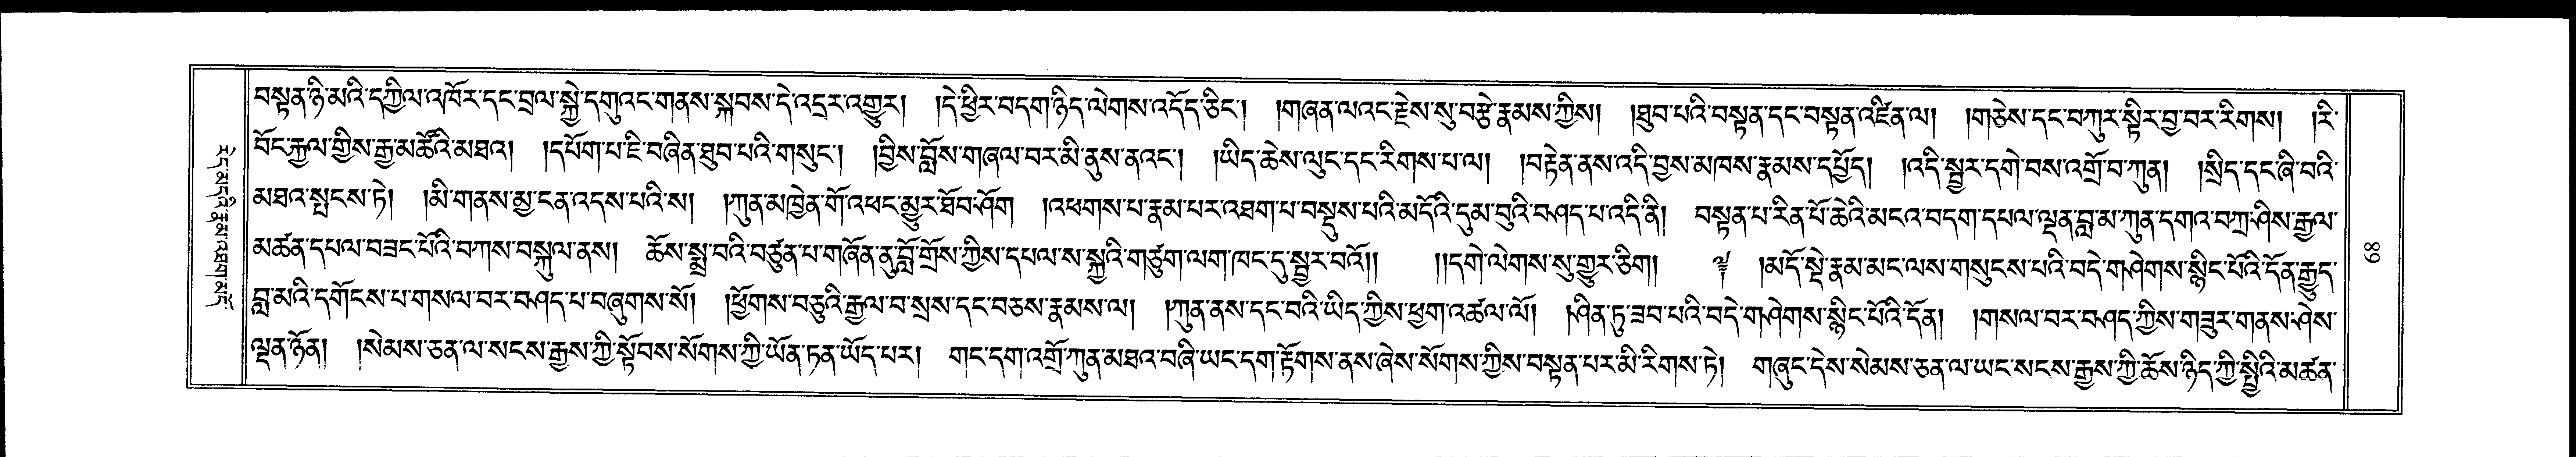བསྟན་ཉི་མའི་དཀྱིལ་འཁོར་དང་བྲལ་སྐྱེ་དགུའང་གནས་སྐབས་དེ་འདྲར་འགྱུར། །དེ་ཕྱིར་བདག་ཉིད་ལེགས་འདོད་ཅིང་། །གཞན་ལའང་རྗེས་སུ་བརྩེ་རྣམས་ཀྱིས། །ཐུབ་པའི་བསྟན་དང་བསྟན་འཛིན་ལ། །གཅེས་དང་བཀུར་སྟིར་བྱ་བར་རིགས། །རི་
བོང་རྐྱལ་གྱིས་རྒྱ་མཚོའི་མཐའ། །དཔོག་པ་ཇི་བཞིན་ཐུབ་པའི་གསུང་། །བྱིས་བློས་གཞལ་བར་མི་ནུས་ནའང་། །ཡིད་ཆེས་ལུང་དང་རིགས་པ་ལ། །བརྟེན་ནས་འདི་བྱས་མཁས་རྣམས་དཔྱོད། །འདི་སྦྱར་དགེ་བས་འགྲོ་བ་ཀུན། །སྲིད་དང་ཞི་བའི་
མཐའ་སྤངས་ཏེ། །མི་གནས་མྱ་ངན་འདས་པའི་ས། །ཀུན་མཁྱེན་གོ་འཕང་མྱུར་ཐོབ་ཤོག །འཕགས་པ་རྣམ་པར་འཐག་པ་བསྡུས་པའི་མདོའི་དུམ་བུའི་བཤད་པ་འདི་ནི། བསྟན་པ་རིན་པོ་ཆེའི་མངའ་བདག་དཔལ་ལྡན་བླ་མ་ཀུན་དགའ་བཀྲ་ཤིས་རྒྱལ་
མཚན་དཔལ་བཟང་པོའི་བཀས་བསྐུལ་ནས། ཆོས་སྨྲ་བའི་བཙུན་པ་གཞོན་ནུ་བློ་གྲོས་ཀྱིས་དཔལ་ས་སྐྱའི་གཙུག་ལག་ཁང་དུ་སྦྱར་བའོ།། །།དགེ་ལེགས་སུ་གྱུར་ཅིག། ༈ །མདོ་སྡེ་རྣམ་མང་ལས་གསུངས་པའི་བདེ་གཤེགས་སྙིང་པོའི་དོན་རྒྱུད་
བླ་མའི་དགོངས་པ་གསལ་བར་བཤད་པ་བཞུགས་སོ། །ཕྱོགས་བཅུའི་རྒྱལ་བ་སྲས་དང་བཅས་རྣམས་ལ། །ཀུན་ནས་དང་བའི་ཡིད་ཀྱིས་ཕྱག་འཚལ་ལོ། །ཤིན་ཏུ་ཟབ་པའི་བདེ་གཤེགས་སྙིང་པོའི་དོན། །གསལ་བར་བཤད་ཀྱིས་གཟུར་གནས་ཤེས་
ལྡན་ཉོན། །སེམས་ཅན་ལ་སངས་རྒྱས་ཀྱི་སྟོབས་སོགས་ཀྱི་ཡོན་ཏན་ཡོད་པར། གང་དག་འགྲོ་ཀུན་མཐའ་བཞི་ཡང་དག་རྟོགས་ནས་ཞེས་སོགས་ཀྱིས་བསྟན་པར་མི་རིགས་ཏེ། གཞུང་དེས་སེམས་ཅན་ལ་ཡང་སངས་རྒྱས་ཀྱི་ཆོས་ཉིད་ཀྱི་སྤྱིའི་མཚན་